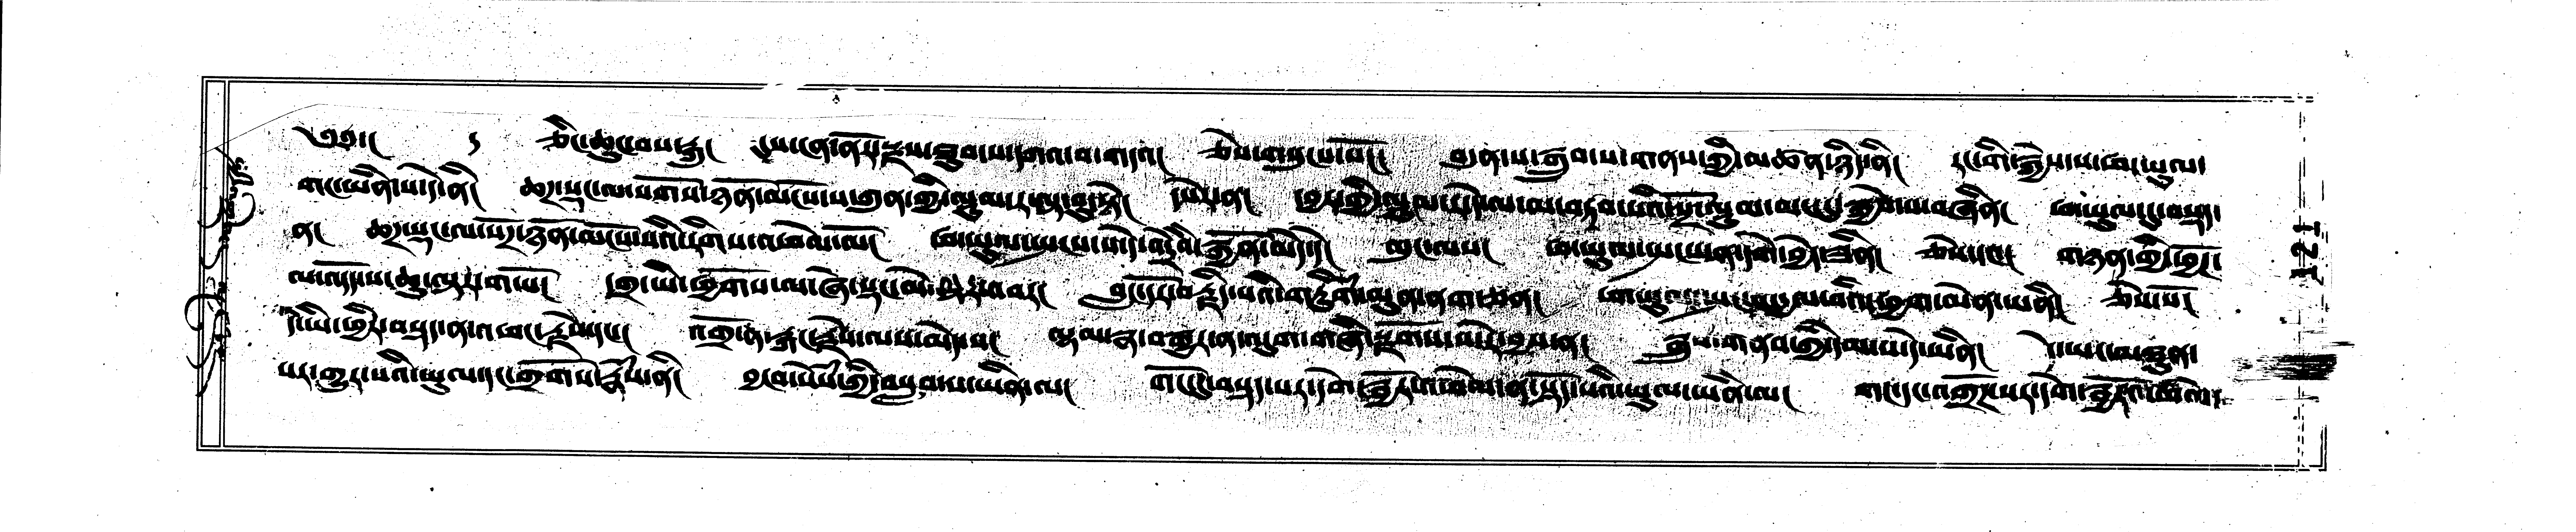ཅིང་ཆུང་བས་བརྐུ། དུས་ངན་ནོར་རྫས་ཐུབ་པ་དཀའ་བ་གདབ། །ཅེས་གསུངས་སོ། །བདུན་པ་སྒྲུབ་པ་གནས་ཀྱི་མཚན་ཉིད་ནི། །རང་གི་སྐྱེ་ས་ཕ་ཡུལ་
གང་ཡིན་པ་དེ་ནི། ཆགས་སྡང་ལ་སོགས་ཉོན་མོངས་པ་ཀུན་གྱི་ལྡུམ་རྭ་ལྟ་བུ་སྟེ། དཔེར་ན། དབྱར་གྱི་ལྡུམ་ར་དེ་ལ་མ་བཏབ་པའི་སྔོ་ལྡུམ་མང་དུ་སྐྱེས་པ་བཞིན། ཕ་ཡུལ་དུ་བསྡད་
ན་ ཆགས་སྡང་ལ་སོགས་ཉོན་མོངས་པའི་རིགས་འཕེལ་ལོ། ཕ་ཡུལ་སྤངས་པ་དེ་འདྲའི་སྐྱོན་མེད་དེ། ལུང་ལས། ཕ་ཡུལ་སྤངས་ན་དགེ་བྱེད་ཟིན། ཅེས་དང་། གཉན་གྱི་ཕྱོགས་
ལ་འདོད་པ་ཆུ་ལྟར་གཡོ། །དགྲ་ཡི་ཕྱོགས་ལ་ཞེ་སྡང་མེ་ལྟར་འབར། །བླང་དོར་བརྗེད་པའི་གཏི་མུག་མུན་ནག་ཅན། །ཕ་ཡུལ་སྤངས་པ་རྒྱལ་བའི་ཕྱག་ལེན་ཡིན། །ཅེས་སོ། 
།དེའི་ཕྱིར་བསྡད་ན་འཕོང་རྗེས་དང་སོང་ན་རྐང་རྗེས་ལས་མེད་པ། ལྷམ་སྣ་བསྒྱུར་ན་འདུག་གཞི་རྫོགས་པ་རེ་བྱས་ན། སྒྲུབ་གནས་ཀྱི་དམ་པ་དེ་ཡིན། དེ་ཡང་མཐུན་
པར་གྱུར་པའི་ཡུལ་དང་གྲོགས་རྣམས་ནི། བྱང་ཆུབ་སེམས་ཀྱི་བསླབ་པ་ཡིན་ལ། གོང་དུ་བསྡད་པར་དགེ་སྦྱོར་འཕེལ་ན་སྡོད་པའི་ཡུལ་ཡིན་ལ། གང་དང་འགྲོགས་པར་དགེ་སྦྱོར་འཕེལ་